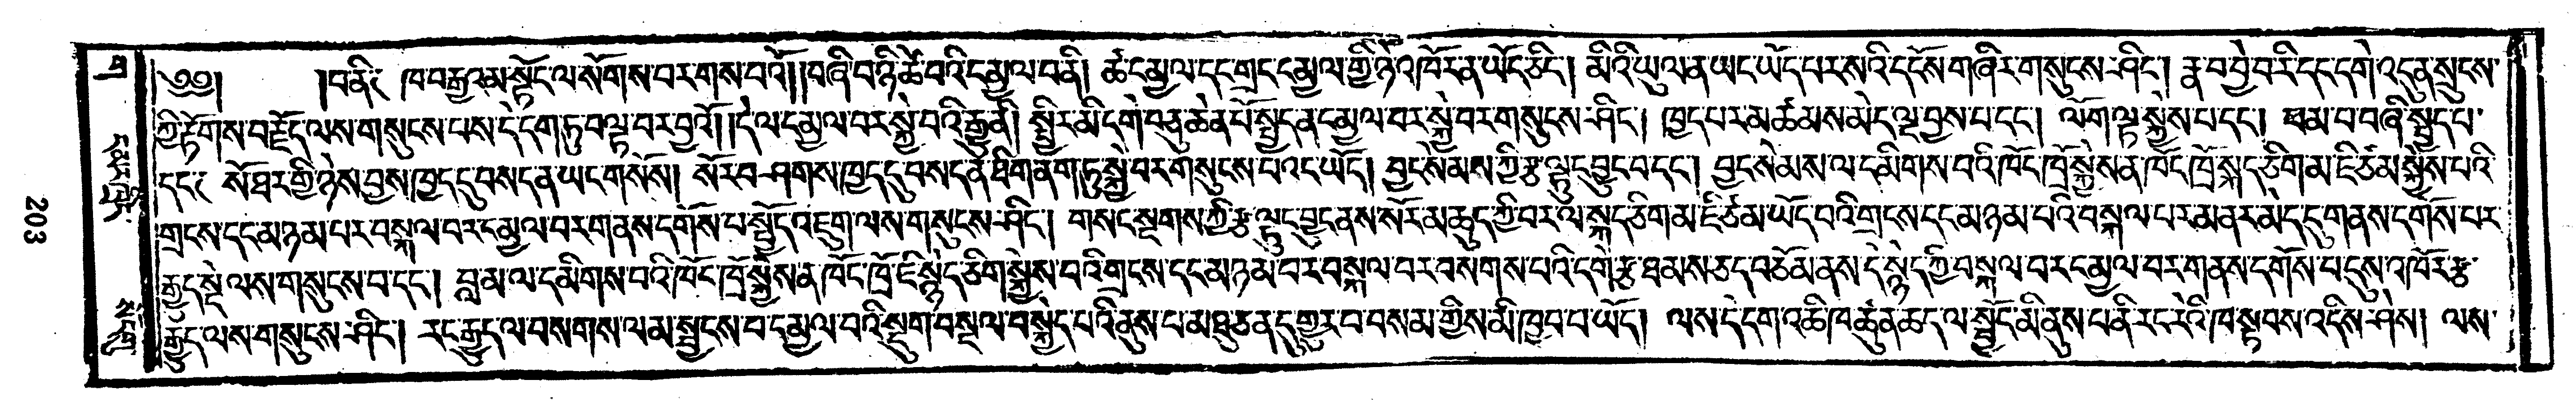༄༅། །པ་ནི༑ ཁ་བརྒྱའམ་སྟོང་ལ་སོགས་པར་གས་པའོ། །བཞི་བ་ཉི་ཚེ་བའི་དམྱལ་བ་ནི། ཚ་དམྱལ་དང་གྲང་དམྱལ་གྱི་ཉེ་འཁོར་ན་ཡོད་ཅིང་། མིའི་ཡུལ་ན་ཡང་ཡོད་པར་སའི་དངོས་གཞིར་གསུངས་ཤིང་། རྣ་བ་བྱེ་བ་རི་དང་དགེ་འདུན་སྲུངས་
ཀྱི་རྟོགས་བརྗོད་ལས་གསུངས་པས་དེ་དག་ཏུ་བལྟ་བར་བྱའོ། །དེ་ལ་དམྱལ་བར་སྐྱེ་བའི་རྒྱུ་ནི། སྤྱིར་མི་དགེ་བཅུ་ཆེན་པོ་སྤྱད་ན་དམྱལ་བར་སྐྱེ་བར་གསུངས་ཤིང་། ཁྱད་པར་མཚམས་མེད་ལྔ་བྱས་པ་དང་། ལོག་ལྟ་སྐྱེས་པ་དང་། ཕམ་པ་བཞི་སྤྱད་པ་
དང༑ སོ་ཐར་གྱི་ཉེས་བྱས་ཁྱད་དུ་བསད་ན་ཡང་གསོས། སོར་བཤགས་ཁྱད་དུ་བསད་ན་ཐིག་ནག་ཏུ་སྐྱེ་བར་གསུངས་པའང་ཡོད། བྱང་སེམས་ཀྱི་རྩ་ལྟུང་བྱུང་བ་དང་། བྱང་སེམས་ལ་དམིགས་པའི་ཁོང་ཁྲོ་སྐྱེས་ན་ཁོང་ཁྲོ་སྐད་ཅིག་མ་ཇི་ཙམ་སྐྱེས་པའི་
གྲངས་དང་མཉམ་པར་བསྐལ་བར་དམྱལ་བར་གནས་དགོས་པ་སྤྱོད་འཇུག་ལས་གསུངས་ཤིང་། གསང་སྔགས་ཀྱི་རྩ་ལྟུང་བྱུང་ནས་སོར་མཆུད་ཀྱི་བར་ལ་སྐད་ཅིག་མ་ཇི་ཙམ་ཡོད་པའི་གྲངས་དང་མཉམ་པའི་བསྐལ་པར་མནར་མེད་དུ་གནས་དགོས་པར་
རྒྱུད་སྡེ་ལས་གསུངས་པ་དང་། བླ་མ་ལ་དམིགས་པའི་ཁོང་ཁྲོ་སྐྱེས་ན་ཁོང་ཁྲོ་ཇི་སྙེད་ཅིག་སྐྱེས་པའི་གྲངས་དང་མཉམ་པར་བསྐལ་བར་བསགས་པའི་དགེ་རྩ་ཐམས་ཅད་བཅོམ་ནས་དེ་སྙེད་ཀྱི་བསྐལ་བར་དམྱལ་བར་གནས་དགོས་པ་དུས་འཁོར་རྩ་
རྒྱུད་ལས་གསུངས་ཤིང་། རང་རྒྱུད་ལ་བསགས་ལམ་སྦྱངས་པ་དམྱལ་བའི་སྡུག་བསྔལ་བསྐྱེད་པའི་ནུས་པ་མཐུ་ཅན་དུ་གྱུར་བ་བསམ་གྱིས་མི་ཁྱབ་པ་ཡོད། ལས་དེ་དག་འཆི་ཁ་ཚུན་ཆད་ལ་སྦྱོང་མི་ནུས་པ་ནི་རང་རེའི་ཁ་སྟབས་འདིས་ཤེས། ལས་